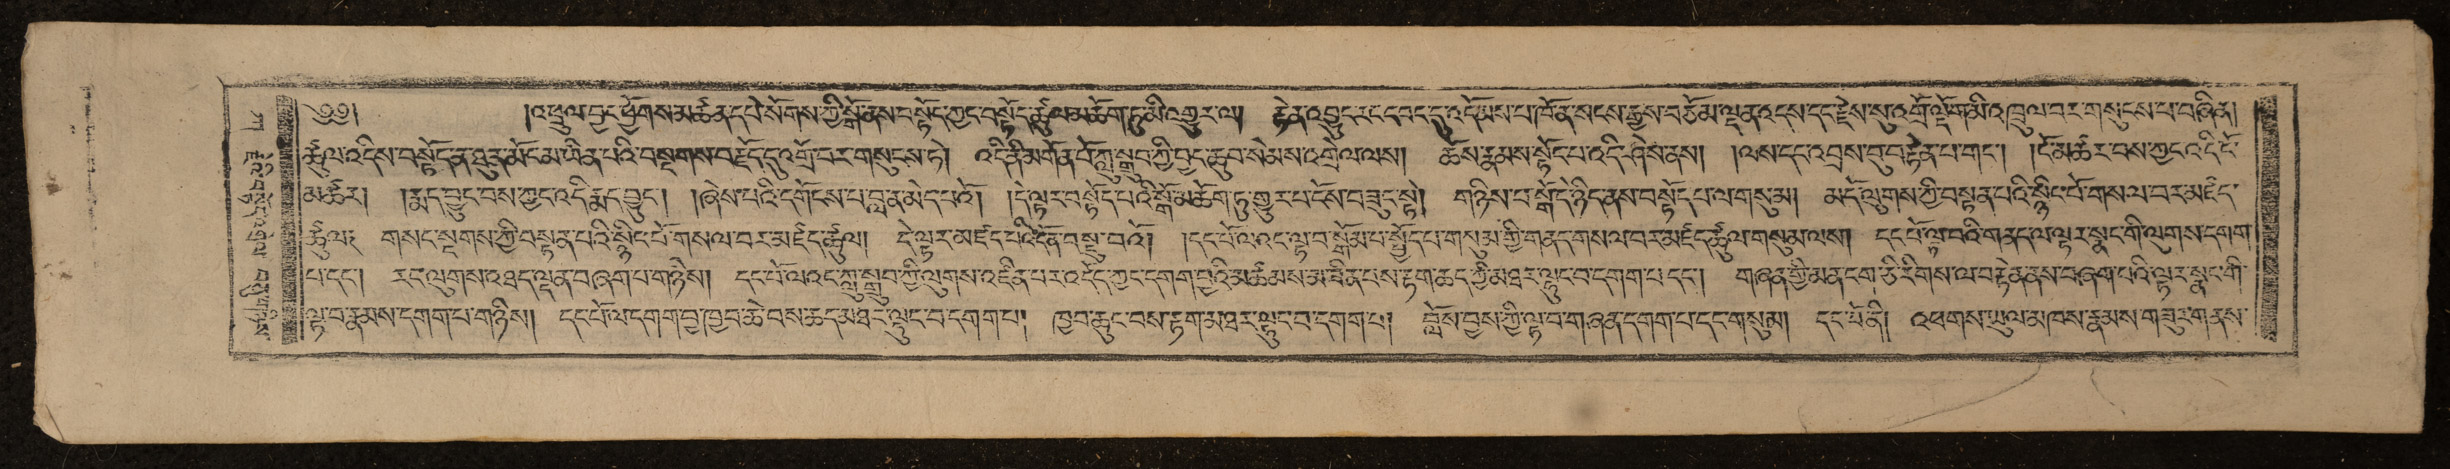༄༅། །འཕྲུལ་བྱང་ཕྱོགས་མཚན་དཔེ་སོགས་ཀྱི་སྒོ་ནས་བསྟོད་ཀྱང་བསྟོད་ཚུལ་མཆོག་ཏུ་མི་འགྱུར་ལ། རྟེན་འབྱུང་རང་དབང་དུ་འདོམས་པ་ཁོ་ན་སངས་རྒྱས་བཅོམ་ལྡན་འདས་དང་རྗེས་སུ་འགྲོ་ལྡོག་མི་འཁྲུལ་བར་གསུངས་པ་བཞིན།
ཚུལ་འདིས་བསྟོད་ན་ཐུན་མོང་མ་ཡིན་པའི་བསྔགས་བརྗོད་དུ་འགྲོ་བར་གསུངས་ཏེ། འདི་ནི་མགོན་པོ་ཀླུ་སྒྲུབ་ཀྱི་བྱང་ཆུབ་སེམས་འགྲེལ་ལས། ཆོས་རྣམས་སྟོང་པ་འདི་ཤེས་ནས། །ལས་དང་འབྲས་བུ་བརྟེན་པ་གང་། །ངོ་མཚར་བས་ཀྱང་འདི་ངོ་
མཚར། །རྨད་བྱུང་བས་ཀྱང་འདི་རྨད་བྱུང་། །ཞེས་པའི་དགོངས་པ་བླ་ན་མེད་པའོ། །དེ་ལྟར་བསྟོད་པའི་སྒོ་མཆོག་ཏུ་གྱུར་པ་ངོས་བཟུང་སྟེ། གཉིས་པ་སྒོ་དེ་ཉིད་ནས་བསྟོད་པ་ལ་གསུམ། མདོ་ལུགས་ཀྱི་བསྟན་པའི་སྙིང་པོ་གསལ་བར་མཛད་
ཚུལ༑ གསང་སྔགས་ཀྱི་བསྟན་པའི་སྙིང་པོ་གསལ་བར་མཛད་ཚུལ། དེ་ལྟར་མཛད་བའི་དོན་བསྡུ་བའོ། །དང་པོ་ལའང་ལྟ་བསྒོམ་པ་སྤྱོད་བ་གསུམ་གྱི་གནད་གསལ་བར་མཛད་ཚུལ་གསུམ་ལས། དང་པོ་ལྟ་བའི་གནད་ལ་ལྟར་སྣང་གི་ལུགས་དགག་
པ་དང་། རང་ལུགས་འཐད་ལྡན་བཞག་པ་གཉིས། དང་པོ་ལའང་ཀླུ་སྒྲུབ་ཀྱི་ལུགས་འཛིན་པར་འདོད་ཀྱང་དགག་བྱའི་མཚམས་མ་ཟིན་པས་རྟག་ཆད་ཀྱི་མཐར་ལྷུང་བ་དགག་པ་དང་། གཞན་གྱི་མན་ངག་ཅི་རིགས་ལ་བརྟེན་ནས་བཞག་པའི་ལྟར་སྣང་གི་
ལྟ་བ་རྣམས་དགག་པ་གཉིས། དང་པོ་ལ་དགག་བྱ་ཁྱབ་ཆེ་བས་ཆད་མཐར་ལྷུང་བ་དགག་པ། ཁྱབ་ཆུང་བས་རྟག་མཐར་ལྷུང་བ་དགག་པ། བློས་བྱས་ཀྱི་ལྟ་བ་གཞན་དགག་པ་དང་གསུམ། ཡང་པོའི་ནི། འཕགས་ཡུལ་མཁས་རྣམས་གཟུག་ནས་